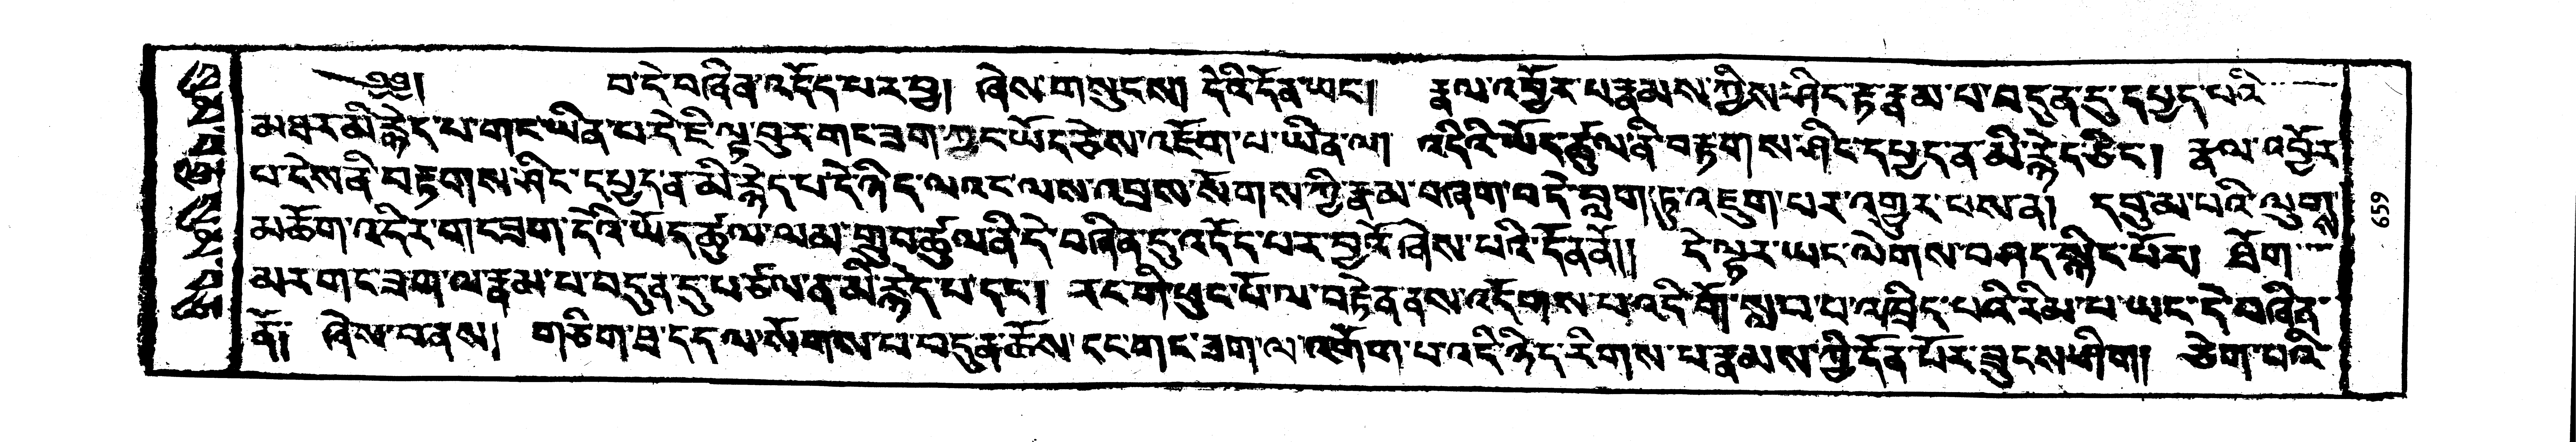༄༅། །བ་དེ་བཞིན་འདོད་པར་བྱ། ཞེས་གསུངས། དེའི་དོན་ཡང་། རྣལ་འབྱོར་པ་རྣམས་ཀྱིས་ཤིང་རྟ་རྣམ་པ་བདུན་དུ་དཔྱད་པའི་
མཐར་མི་རྙེད་པ་གང་ཡིན་པ་དེ་ཇི་ལྟ་བུར་གང་ཟག་ཀྱང་ཡོད་ཅེས་འཇོག་པ་ཡིན་ལ། འདིའི་ཡོད་ཚུལ་ནི་བརྟགས་ཤིང་དཔྱད་ན་མི་རྙེད་ཅིང་། རྣལ་འབྱོར་
པ་དེས་ནི་བརྟགས་ཤིང་དཔྱད་ན་མི་རྙེད་པ་དེ་ཉིད་ལའང་ལས་འབྲས་སོགས་ཀྱི་རྣམ་བཞག་བདེ་བླག་ཏུ་འཇུག་པར་འགྱུར་བས་ན། དབུ་མ་པའི་ལུགས་
མཆོག་འདིར་གང་ཟག་དེའི་ཡོད་ཚུལ་ལམ་གྲུབ་ཚུལ་ནི་དེ་བཞིན་དུ་འདོད་པར་བྱའོ་ཞེས་པའི་དོན་ནོ། །དེ་ལྟར་ཡང་ལེགས་བཤད་སྙིང་པོར། ཐོག་
མར་གང་ཟག་ལ་རྣམ་པ་བདུན་དུ་པ་ཙལ་ན་མི་རྙེད་པ་དང་། རང་གི་ཕུང་པོ་ལ་བརྟེན་ནས་འདོགས་པ་འདི་གོ་སླབ་པ་འཁྲིད་པའི་རིམ་པ་ཡང་དེ་བཞིན་
ནོ༑ ཞེས་པ་ནས། གཅིག་ཐ་དད་ལ་སོགས་པ་བདུན་ཆོས་དང་གང་ཟག་ལ་འགོག་པ་འདི་ཉིད་རིགས་པ་རྣམས་ཀྱི་དོན་པོར་ཟུངས་ཤིག །ཅེག་པའི་